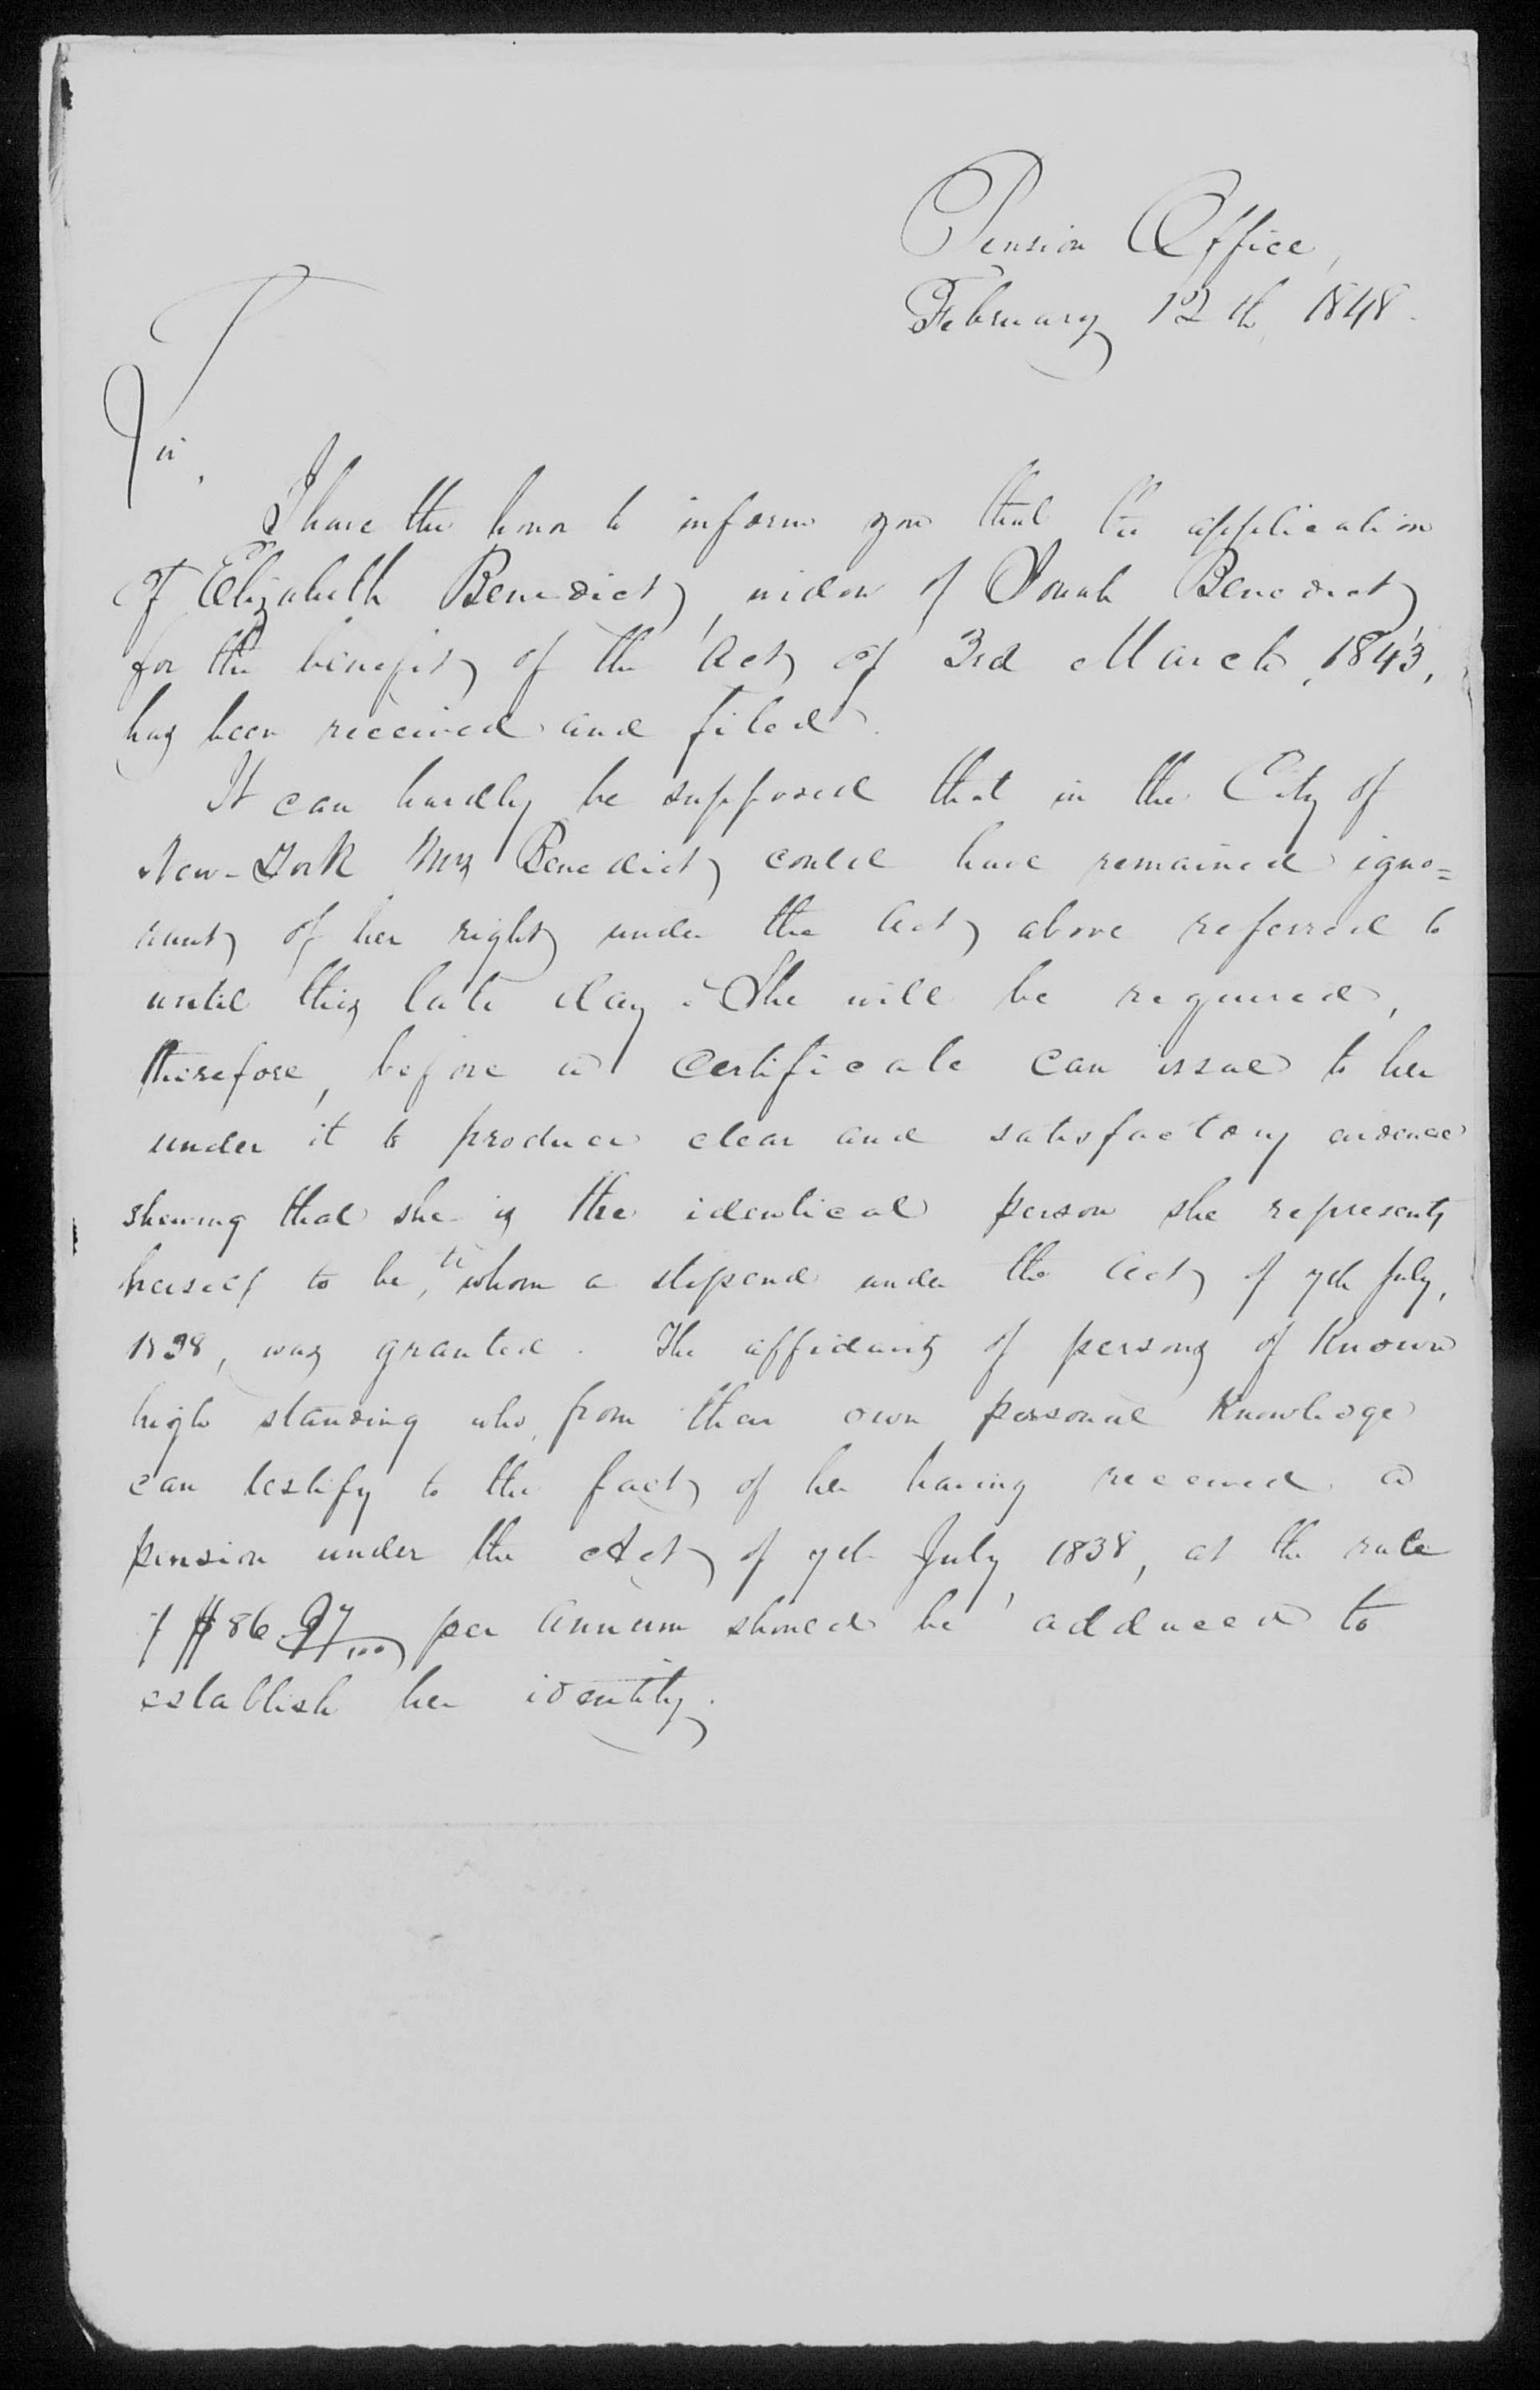Pension Office
                                                    February 12th 1848
Sir,
           I have the honor to inform you that he application
of Elizabeth Benedict widow of Jonah Benedict
for the benefits of the act of 3d March, 1843,
has been received and filed
          It can hardly be supposed that in the City of
New York Mrs Benedict could have remained ignor-
ant of her right under the act above referred to
until this late day. She will be required
therefore, before a certificate can issue to her
under it to produce clear and satisfactory evidence
showing that she is the identical person she represents
herself to be, to whom a stipend under the act of 7th July,
1838, was granted   The affidavits of persons of known
high standing who from that own personal knowledge
can testify to the fact of her having received a
pension under the Act of 7 July 1838 at the rate
of $86.97 per Annum should be adduced to
establish her identity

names: Benedict, Jonah Benedict, Elizabeth Benedict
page: 30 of 56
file: [ILLEGIBLE], Jonah Benedict, Conn.